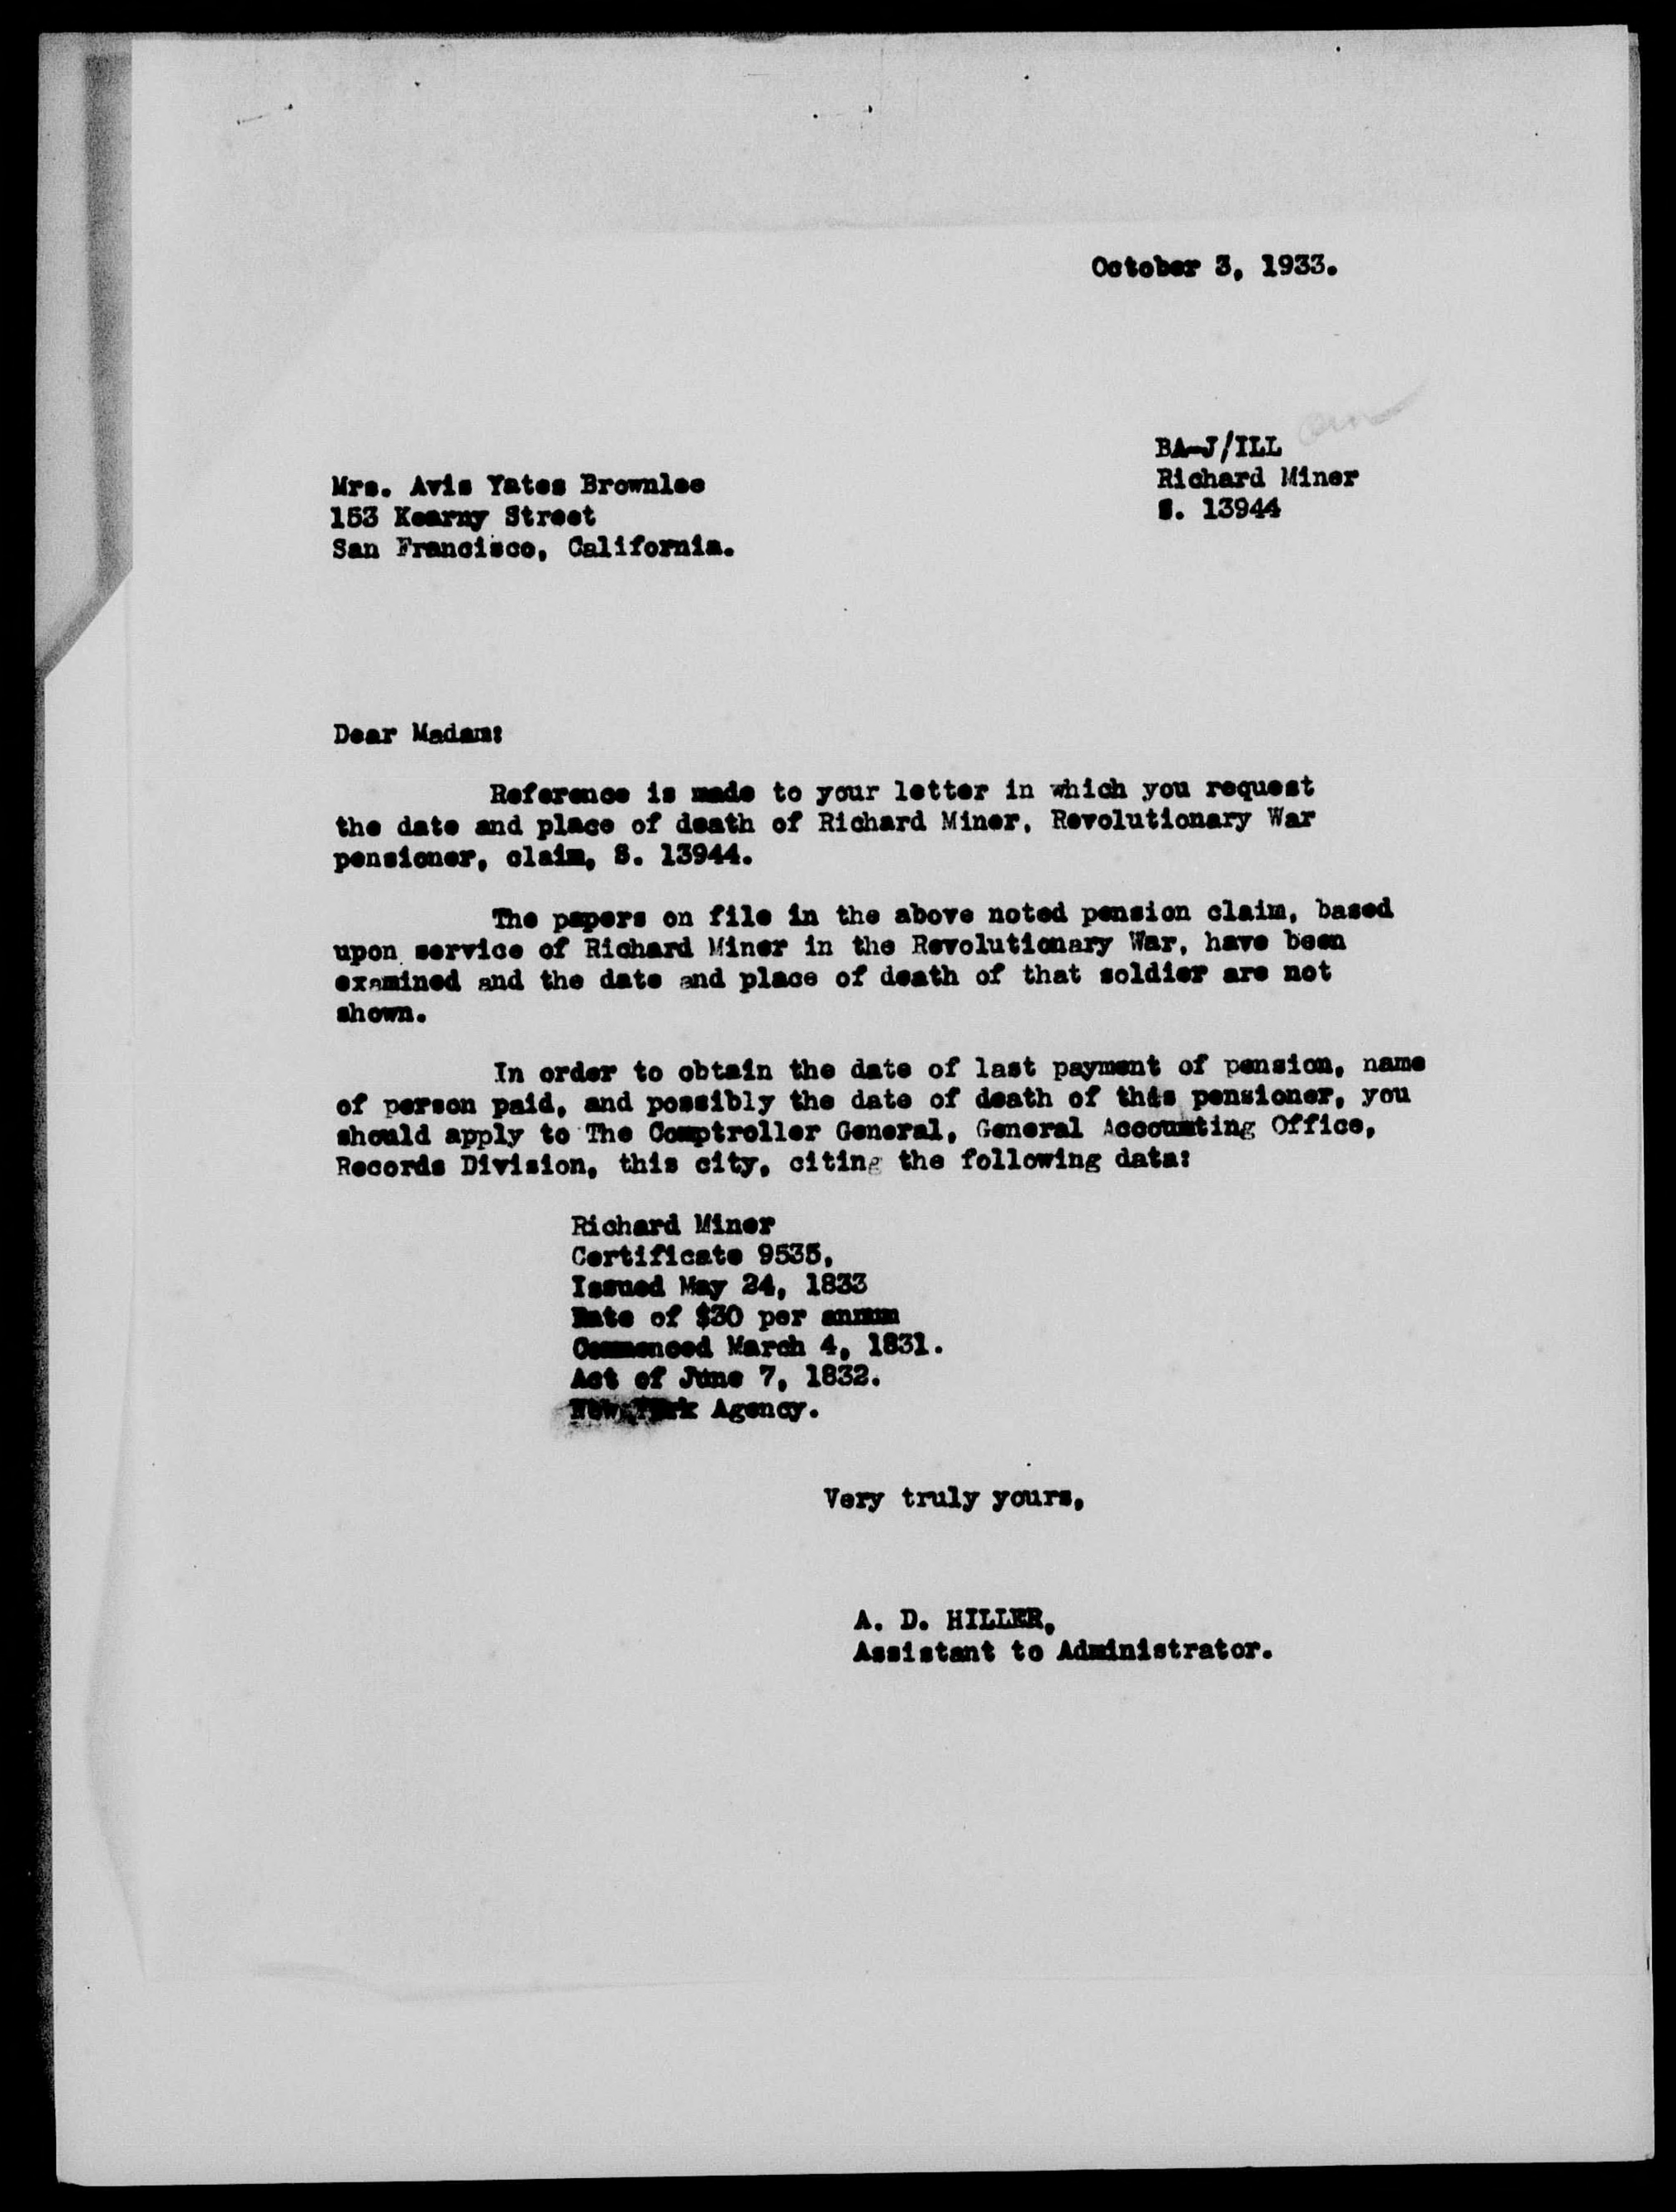October 3, 1933.

Mrs. Avis Yates Brownlee
153 Kearny Street
San Francisco, California.

BA-J/ILL
Richard Miner
S. 13944
Dear Madam:


Reference is made to your letter in which you request
the date and place of death of Richard Miner, Revolutionary War
pensioner, claim, S. 13944.
The papers on file in the above noted pension claim, based
upon service of Richard Miner in the Revolutionary War, have been
examined and the date and place of death of that soldier are not
shown.
In order to obtain the date of last payment of pension, name of
person paid, and possibly the date of death of this pensioner, you
should apply to The Comptroller General, General Accounting Office,
Records Division, this city, citing the following data:
Richard Miner
Certificate 9535,
Issued May 24, 1833
Rate of $30 per annum
Commenced March 4, 1831.
Act of June 7, 1832.
[illegible] Agency.
Very truly yours,
A. D. HILLER,
Assistant to Administrator.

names: Richard Miner; Avis Yates Brownlee; A D Hiller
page: 19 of 34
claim: survivor's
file: S. 13944, for Richard Miner, Massachusetts